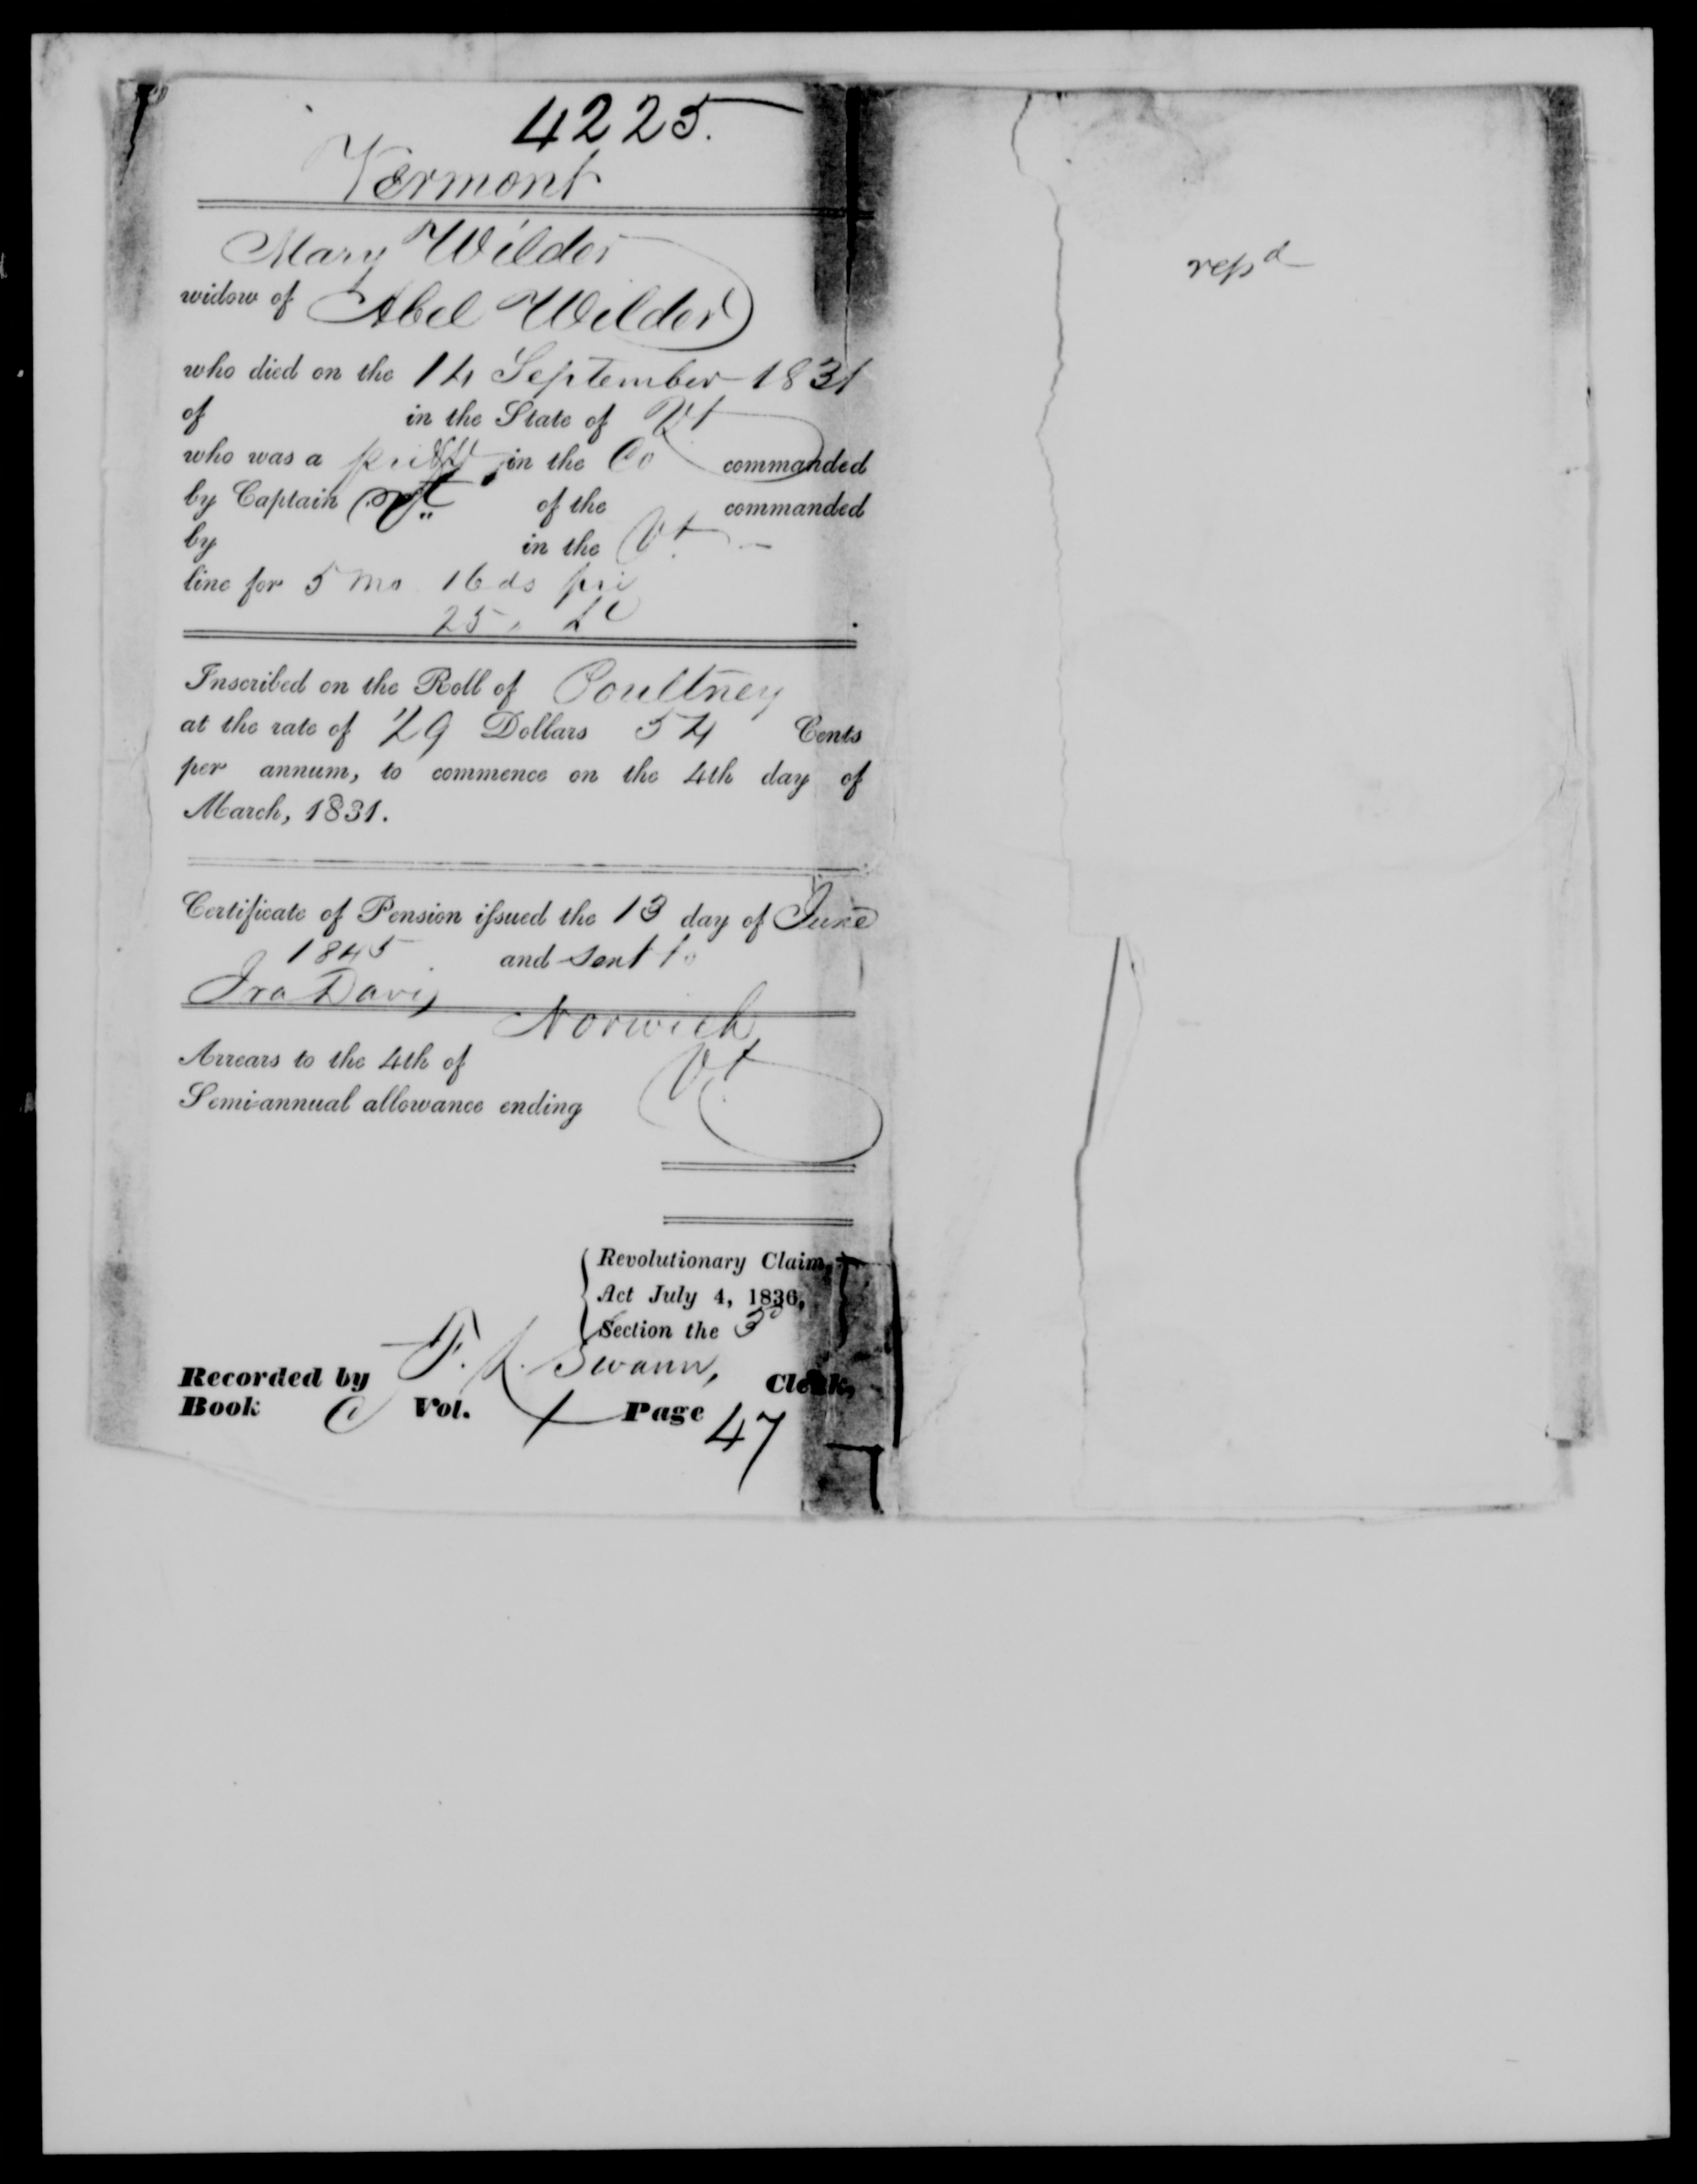4225.
Vermont
---
Mary Wilder
widow of Abel Wilder
who died on the 14 September 1831
of [blank]
in the State of Vt
who was a private in the Co commanded
by Captain [unreadable signature]
of the [Blank]
by [Blank]
in the Vt line for5 mo 16 ds pri
25, AC
---
Inscribed on the Roll of Poultney
at the rate of 29 Dollars 54 Cents
per annum, to commence on the 4th day of
March, 1831.
-----
Certificate of Pension issued the 13 day of June
1845 and sent to
Ira Davis
----        Norwich, VT.
Arrears to the 4th of  [blank]
Semiannual allowance ending [Blank]
------
------
Revolutionary Claim
Act July 4, 1836
Section the 3d
Recorded by F.L. Swann, Clerk
Book C
Vol.  1
Page 47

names: Abel Wilder, F L Swann, Mary Wilder, Ira Davis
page: 2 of 40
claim: widow's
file: W. 18,426, Abel Wilder, Mass. N.H. Vt.